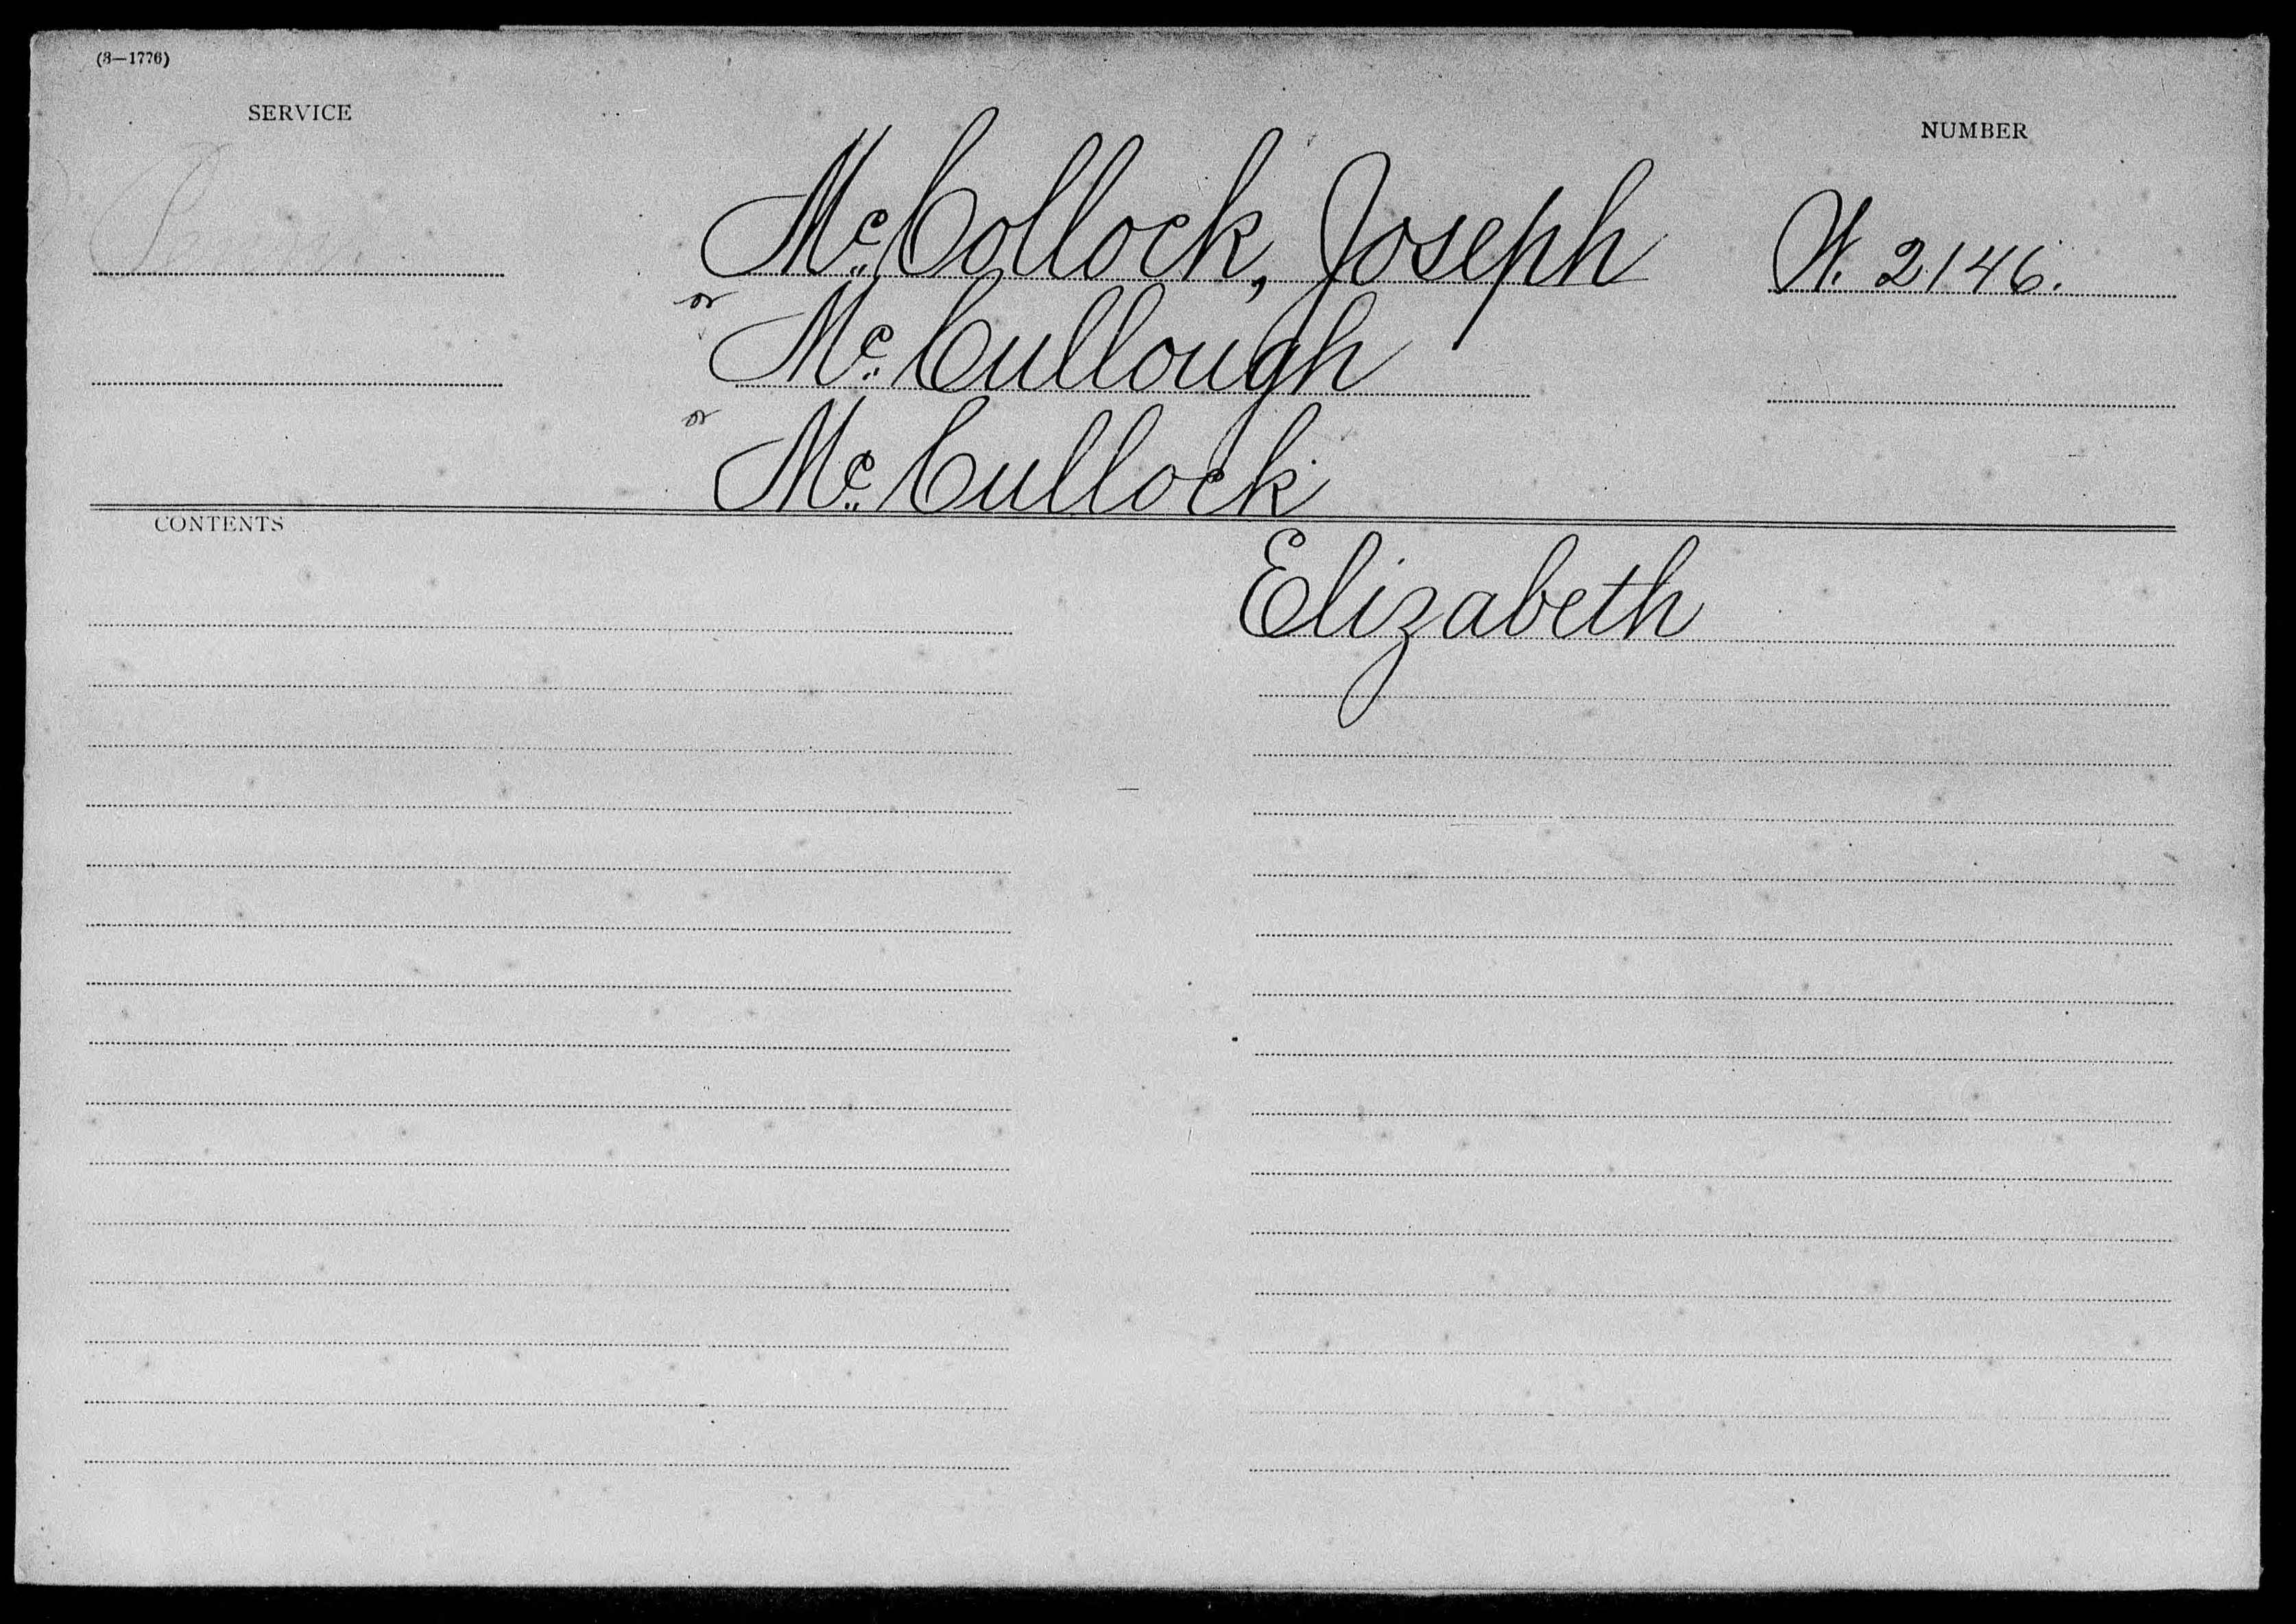(S-1776)

SERVICE NUMBER

[handwritten] Penn. McCollock, Joseph W. 2146.
or McCullough
or McCullock

CONTENTS

[handwritten] Elizabeth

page: 1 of 30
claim: widow's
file: W. 2146, for Joseph Mc Collock, Pennsylvania